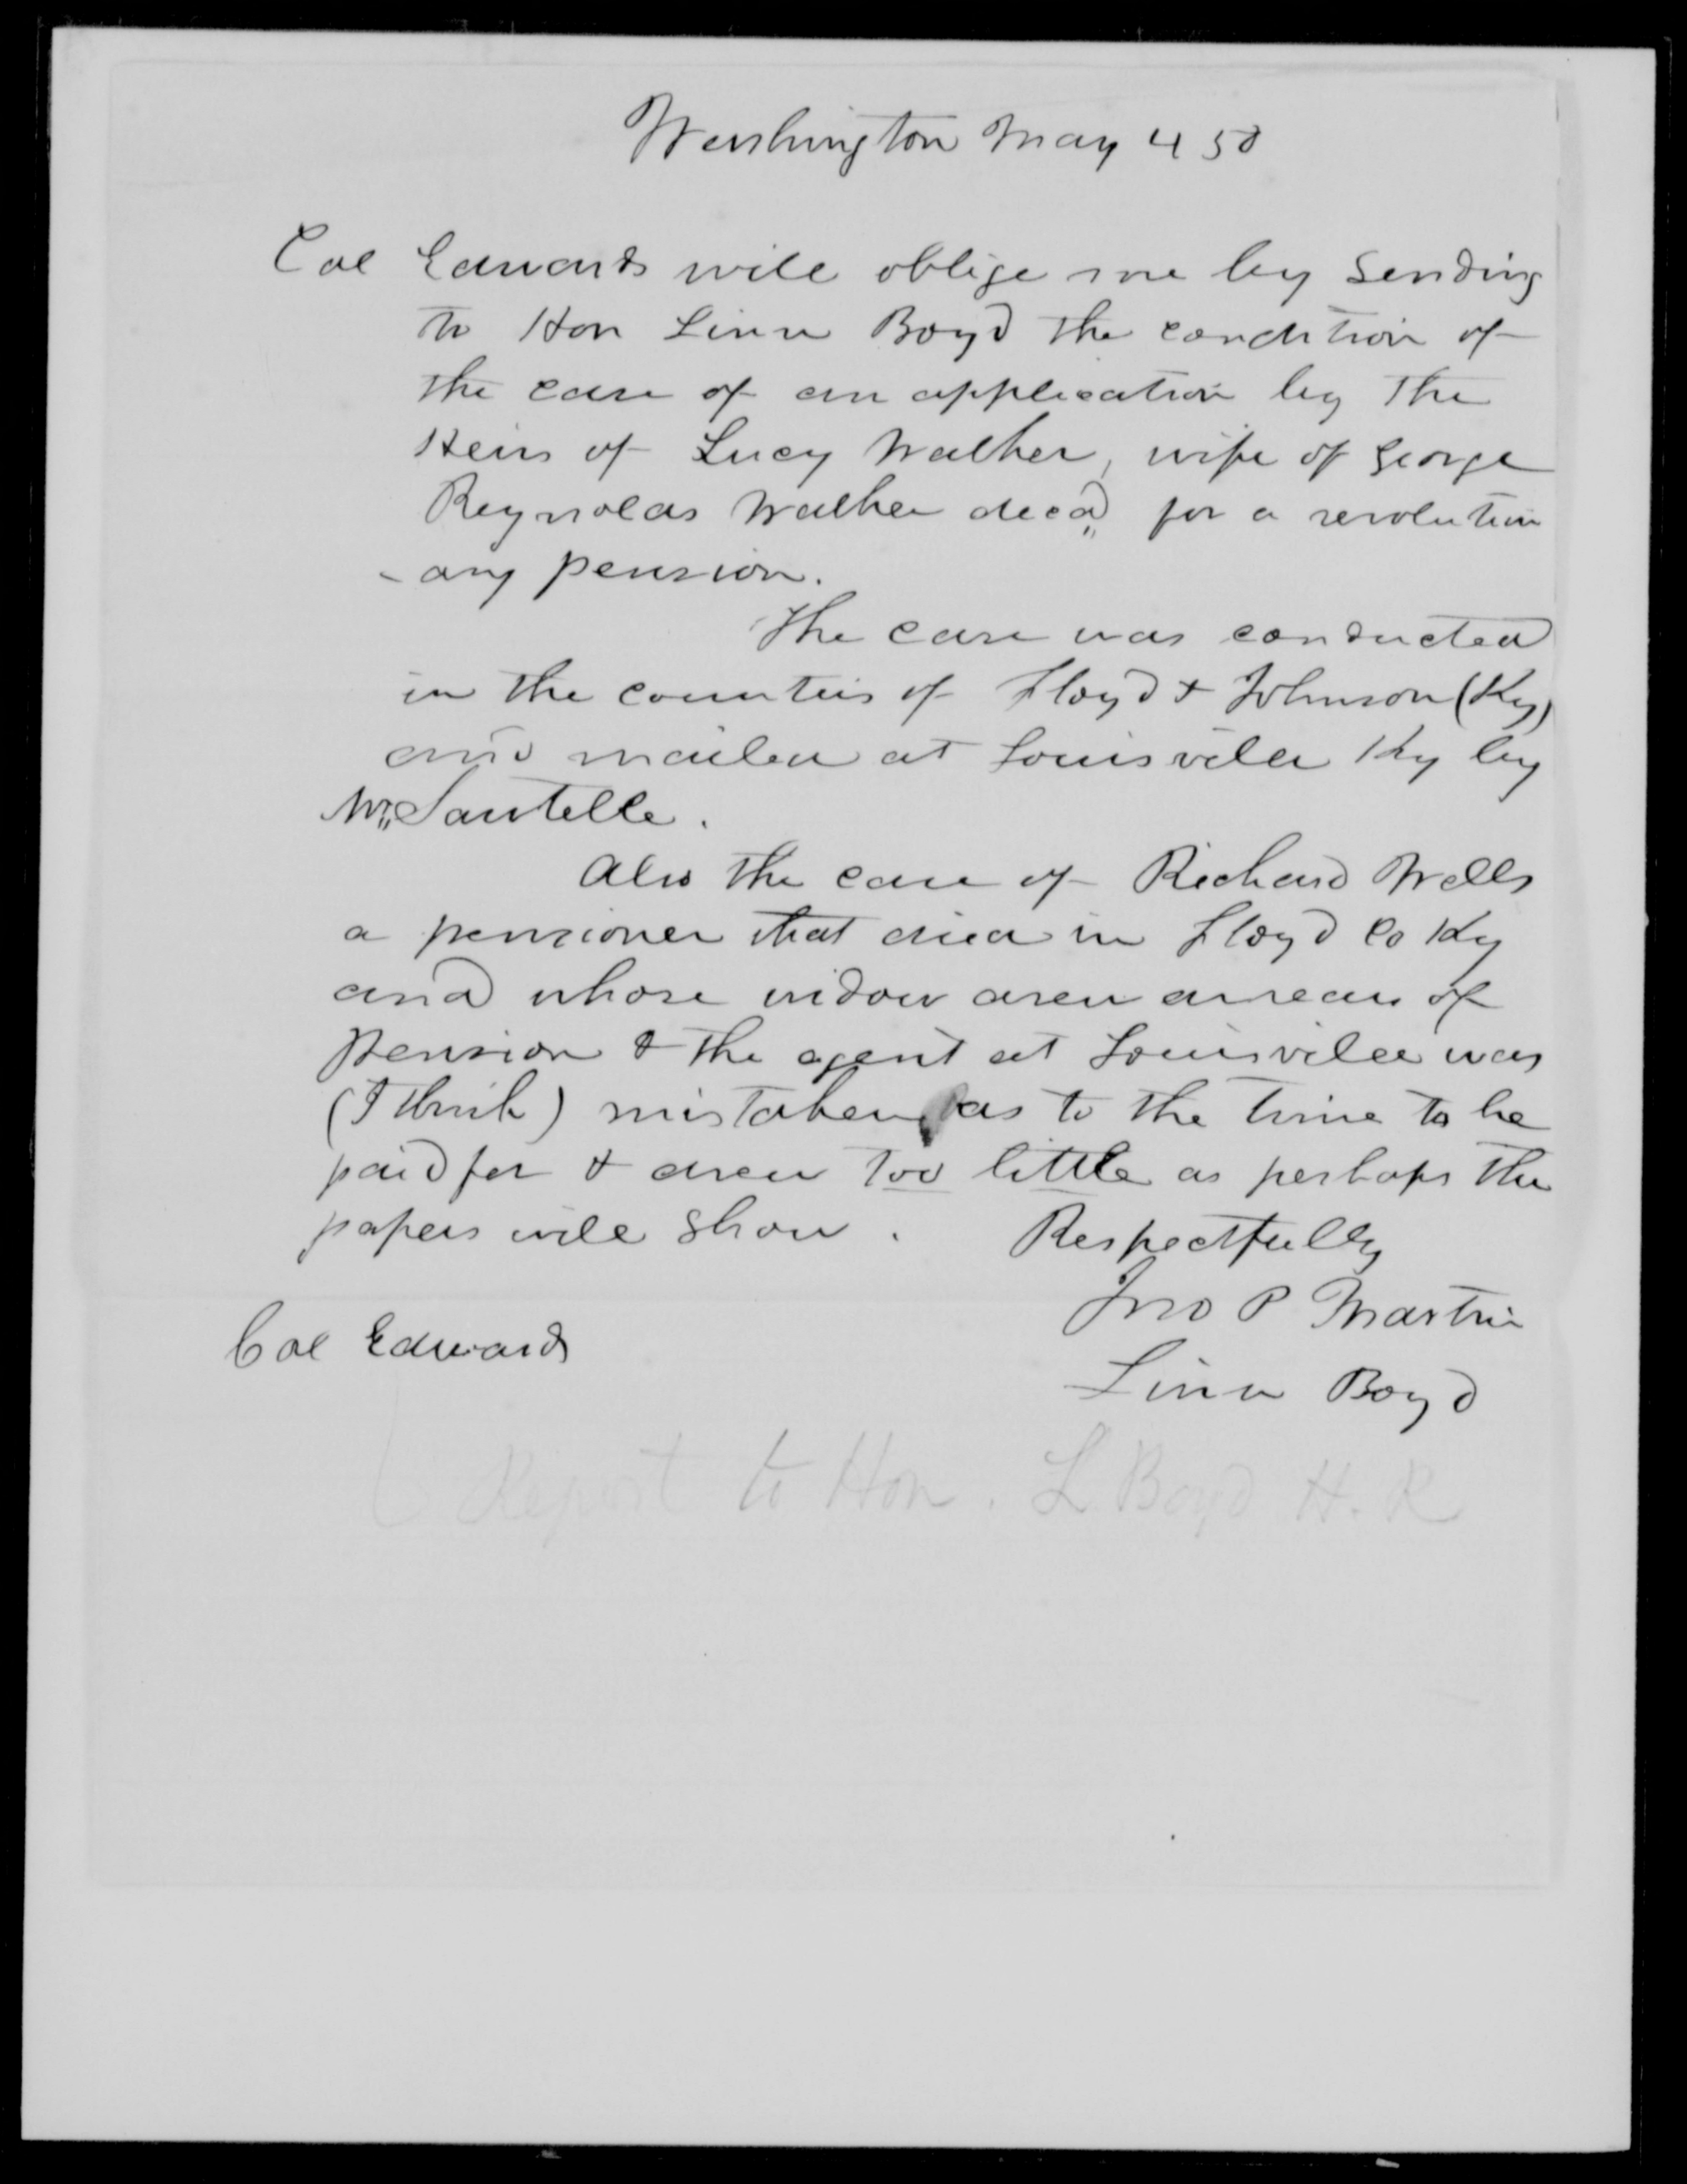Washington May 4 50

Col Edwards will oblige me by sending
to Hon Linn Boyd the condition of
the case of an application by the
Heirs of Lucy Walker, wife of George
Reynolds Walker, decd for a
 revolutionary pension.
The case was conducted
in the Counties of Floyd & Johnson (Ky)
and mailed at Louisville Ky by
Mr. Santelle.
Also the case of Richard Wells
a pensioner that died in Floyd Co, Ky,
and whose widow drew arrears of
Pension & the agent at Louisville was
(I think) mistaken as to the time to be
paid for & drew too little as perhaps the
papers will show.
Respectfully

Jno P Martin
Linn Boyd

Col Edwards

Report to Hon. L Boyd H. R.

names: Linn Boyd, George Reynolds Walker, Jno P Martin, J W Sawtelle, Richard Wells, Cal Edwards, Lucy Walker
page: 69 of 100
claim: widow's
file: W. 6437, Richard Wells, Ga Va.